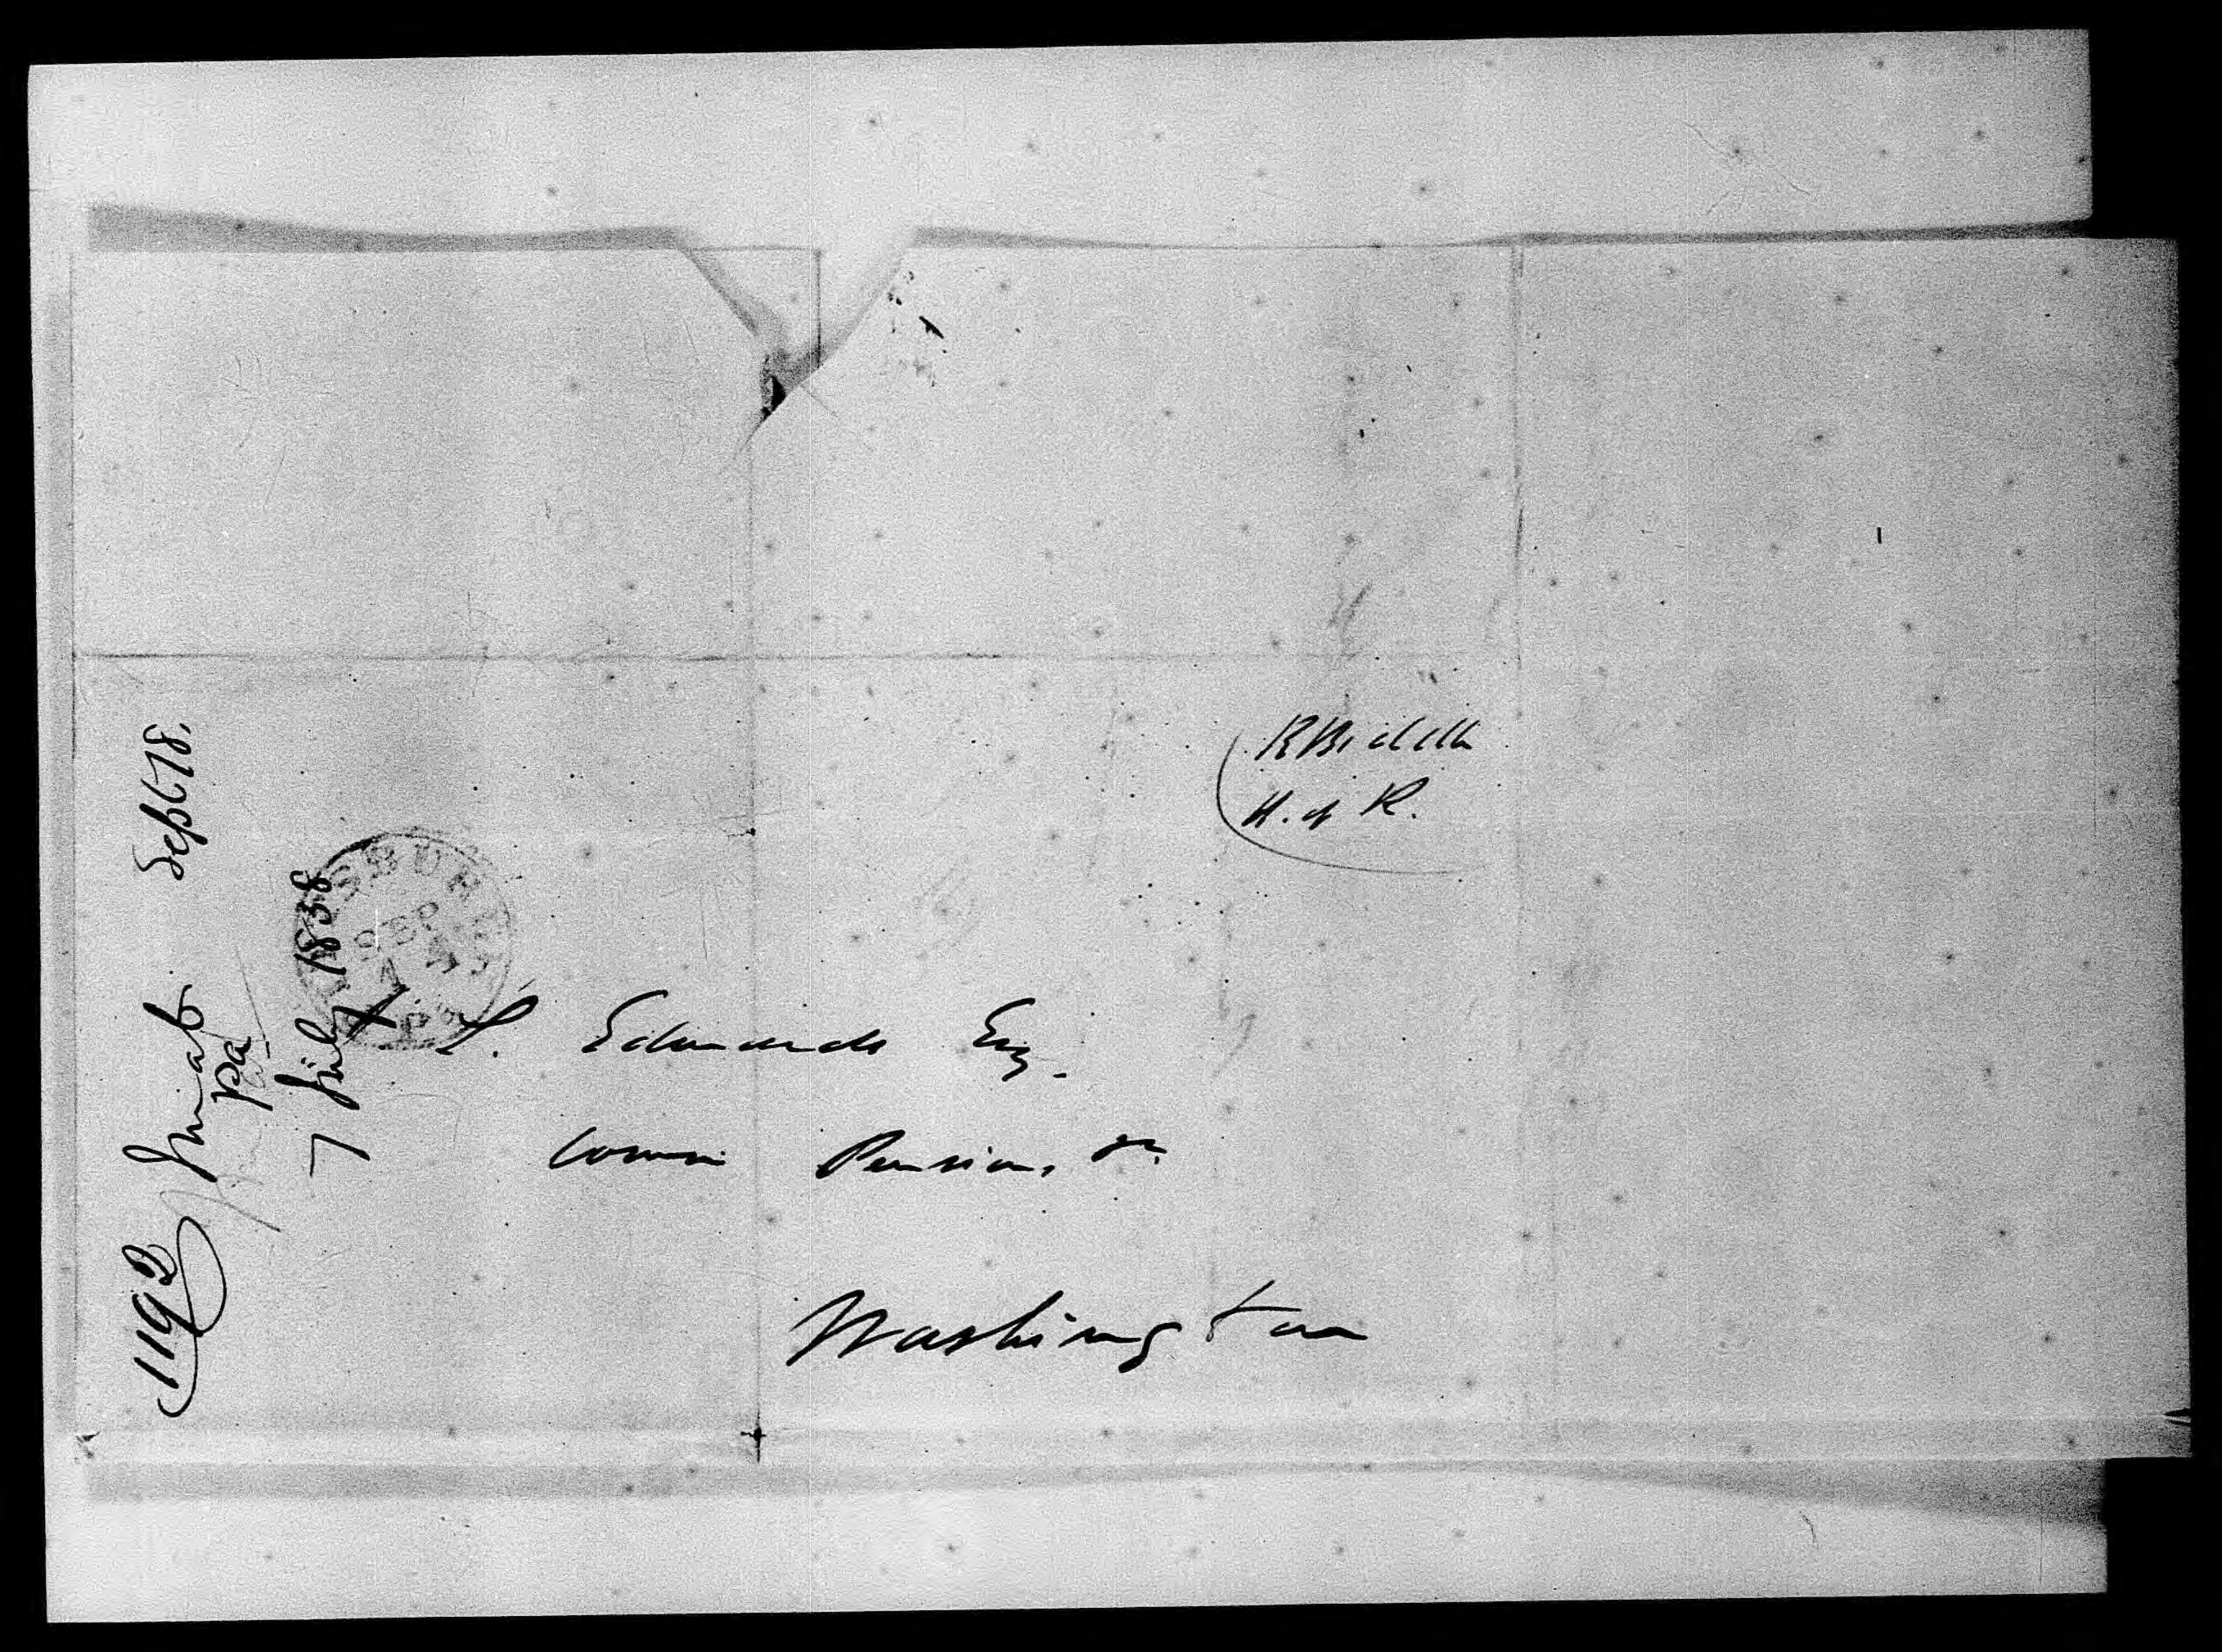Stamp Mark
PITTSBURG Pa
SEP
14

R Biddle
H. of R.

J. L. Edwards Esq
Comm Pensions
Washington

1192 In at Sept 18
pa
7 July 1838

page: 33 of 50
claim: widow's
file: W. 4253, for John Kent, Vermont